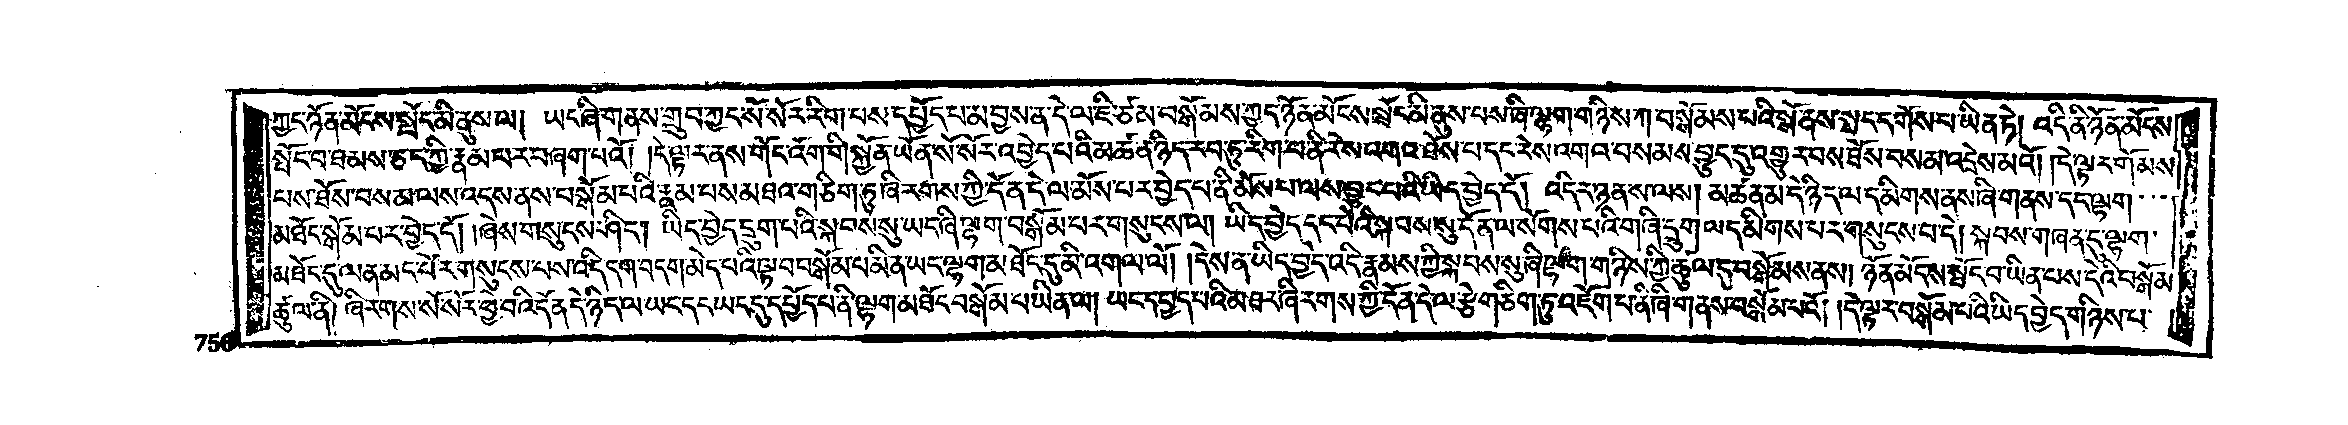ཀྱང་ཉོན་མོངས་སྤོང་མི་ནུས་ལ། ཡང་ཞི་གནས་གྲུབ་ཀྱང་སོ་སོར་རིག་པས་དཔྱོད་པ་མ་བྱས་ན་དེ་ལ་ཇི་ཙམ་བསྒོམས་ཀྱང་ཉོན་མོངས་སྤོང་མི་ནུས་པས་ཞི་ལྷག་གཉིས་ཀ་བསྒོམས་པའི་སྒོ་ནས་སྤང་དགོས་པ་ཡིན་ཏེ། འདི་ནི་ཉོན་མོངས་
སྤོང་བ་ཐམས་ཅད་ཀྱི་རྣམ་པར་བཞག་པའོ། །དེ་ལྟར་ནས་གོང་འོག་གི་སྐྱོན་ཡོན་སོ་སོར་འབྱེད་པའི་མཚན་ཉིད་རབ་ཏུ་རིག་པ་ནི་རེས་འགའ་ཐོས་པ་དང་རེས་འགའ་བསམ་བྱུང་དུ་འགྱུར་བས་ཐོས་བསམ་འདྲེས་མའོ། །དེ་ལྟར་གོམས་
ལས་ཐོས་བསམ་ལས་འདས་ནས་བསྒོམ་པའི་རྣམ་པས་མཐའ་གཅིག་ཏུ་ཞི་རགས་ཀྱི་དོན་དེ་ལ་མོས་པར་བྱེད་པ་ནི་མོས་པ་ལས་བྱུང་བའི་ཡིད་བྱེད་དོ། །འདིར་ཉན་ས་ལས། མཚན་མ་དེ་ཉིད་ལ་དམིགས་ནས་ཞི་གནས་དང་ལྷག་
མཐོང་སྒོམ་པར་བྱེད་དོ། །ཞེས་གསུངས་ཤིང་། ཡིད་བྱེད་དྲུག་པའི་སྐབས་སུ་ཡང་ཞི་ལྷག་བསྒོམ་པར་གསུངས་ལ། ཡིད་བྱེད་དང་པོའི་སྐབས་སུ་དོན་ལ་སོགས་པའི་གཞི་དྲུག་ལ་དམིགས་པར་གསུངས་པ་དེ། སྐབས་གཞན་དུ་ལྷག་
མཐོང་དུ་ལན་མང་པོར་གསུངས་པས་འདི་དག་བདག་མེད་པའི་ལྟ་བ་བསྒོམ་པ་མིན་ཡང་ལྷག་མཐོང་དུ་མི་འགལ་ལོ། །དེས་ན་ཡིད་བྱེད་འདི་རྣམས་ཀྱི་སྐབས་སུ་ཞི་ལྷག་གཉིས་ཀྱི་ཚུལ་དུ་བསྒོམས་ནས། ཉོན་མོངས་སྤོང་བ་ཡིན་པས་དེའི་བསྒོམ་
ཚུལ་ནི། ཞི་རགས་སོ་སོར་ཕྱེ་བའི་དོན་དེ་ཉིད་ལ་ཡང་དང་ཡང་དུ་དཔྱོད་པ་ནི་ལྷག་མཐོང་བསྒོམ་པ་ཡིན་ལ། ཡང་དཔྱད་པའི་མཐར་ཞི་རགས་ཀྱི་དོན་དེ་ལ་རྩེ་གཅིག་ཏུ་འཇོག་པ་ནི་ཞི་གནས་བསྒོམ་པའོ། །དེ་ལྟར་བསྒོམ་པའི་ཡིད་བྱེད་གཉིས་པ་